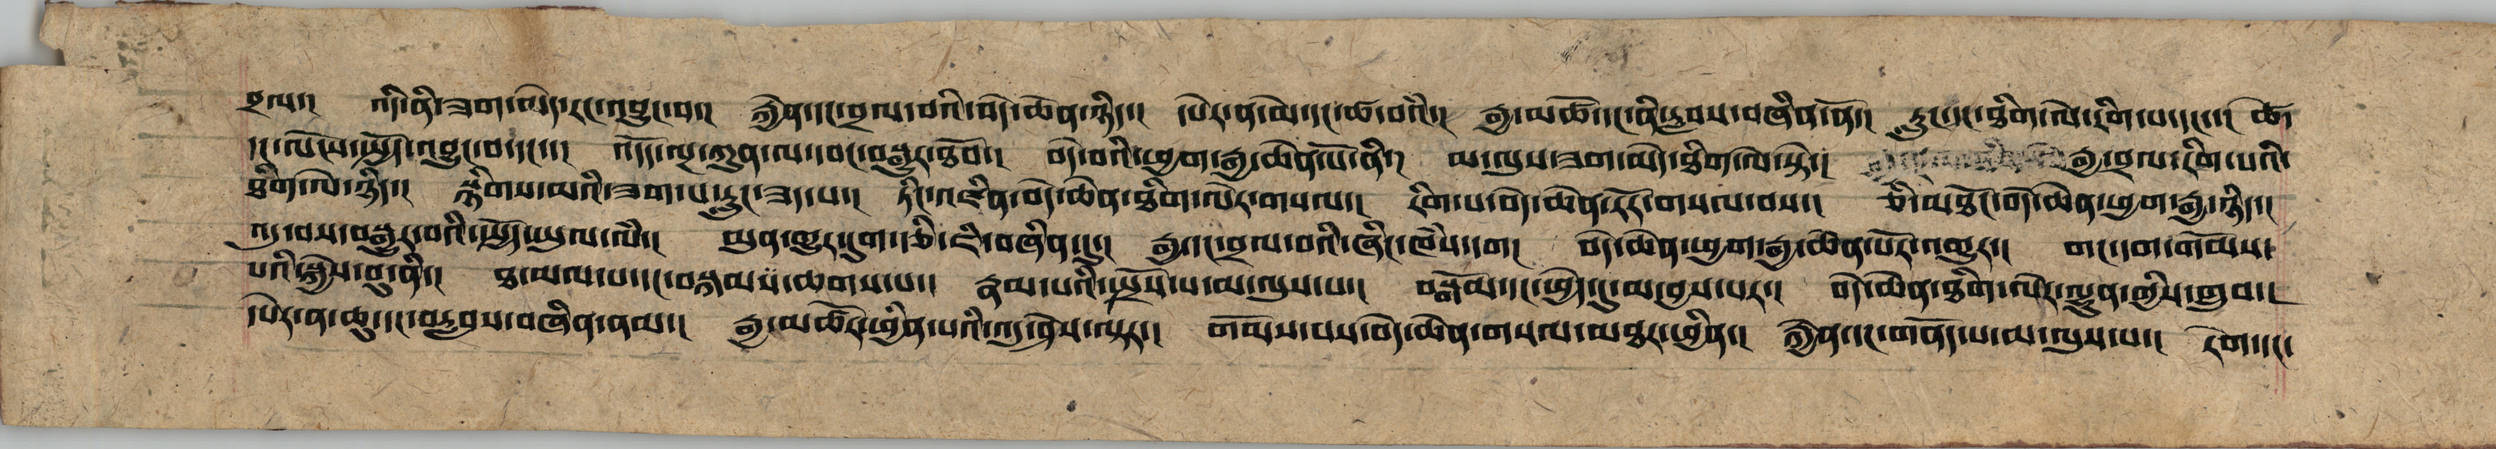བྲལ་། འདི་ནི་ཟག་མེད་རང་འབྱུང་བ་། རྐྱེན་དང་བྲལ་བའི་བདེ་ཆེན་ཉིད་། དཔེར་ན་མེ་དང་ཚ་བའཾ་། རྒྱ་མཚོ་དང་ནི་རླབས་བཞིན་ནོ་། རླུང་དང་ཐིག་ལེ་རིག་པ་དང་་། ཚེ་
དང་ལོངས་སྤྱོད་འབྱུང་བ་དང་་། འདོད་ལྔ་ཀུན་ལ་དབང་བསྒྱུར་ཐོབ་། བདེ་བའི་ཕྱག་རྒྱ་ཆེན་པོ་ནི་། མ་ལུས་ཟག་མེད་ཐིག་ལེ་སྟེ་། རྒྱ་བྲལ་རིག་པའི་
ཐིག་ལེ་ཉིད་། སྙིགས་མའི་ཟག་པ་རླུང་ཟད་པ་། ཏིང་འཛིན་བདེ་ཆེན་ཐིག་ལེར་གསལ་། རིག་པ་བདེ་ཆེན་རོར་གསལ་བས་། ཅི་མཐོང་བདེ་ཆེན་ཕྱག་རྒྱ་ཉིད།
འདུ་བས་བསྒྱུར་བའི་སྤྱོད་ཡུལ་ལཾ་། མུན་གྱུར་དུག་རྩི་ཇི་བཞིན་དུ་། རྒྱ་དང་བྲལ་བའི་ཞིང་ཁཾས་དག། བདེ་ཆེན་ཕྱག་རྒྱ་ཆེན་པོར་འགྱུར་། གང་དག་གོམས་
པའི་སྐྱེས་བུ་ནི་། ཐ་མལ་པ་དང་བསྐམས་ཆགས་པ་། རྣམ་པའི་སྤྲོས་པ་མ་ལུས་པ་། བསྒོམ་དང་ཕྱེད་དུ་མ་བྱས་པར་། བདེ་ཆེན་ཐིག་ལེར་ལྷུན་གྱིས་གྲུབ་།
དཔེར་ན་ཆུ་དང་བརླབས་བཞིན་ནམ་། རྒྱ་མཚོར་ཕྱིན་པའི་འདུ་ཤེས་ལྟར་། གོམས་པས་བདེ་ཆེན་གསལ་མཐར་ཕྱིར་། རྐྱེན་དང་གནོད་པ་མ་ལུས་པ་། རེག་དང་